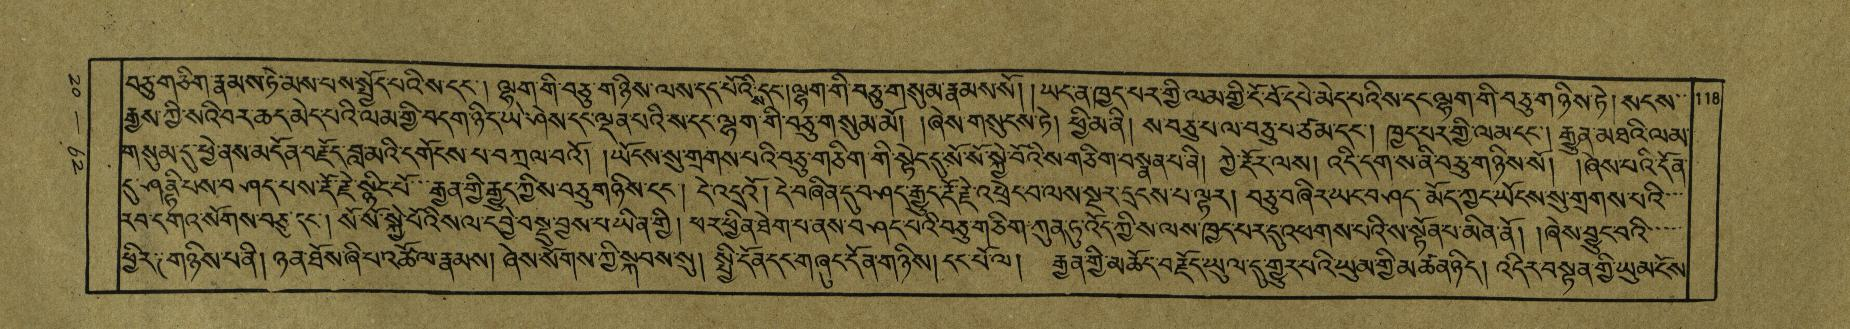བཅུ་གཅིག་རྣམས་ཏེ་མས་པས་སྤྱོད་པའི་ས་དང་། ལྷག་གི་བཅུ་གཉིས་ལས་དད་པོའི་ས་དང་། ལྷག་གི་བཅུ་གསུམ་རྣམས་སོ། །ཡང་ན་ཁྱད་པར་གྱི་ལམ་གྱི་ངོ་བོ་དཔེ་མེད་པའི་ས་དང་ལྷག་གི་བཅུ་གཉིས་ཏེ། སངས་
རྒྱས་ཀྱི་སའི་བར་ཆད་མེད་པའི་ལམ་གྱི་བདག་ཉིད་ཡེ་ཤེས་དང་ལྡན་པའི་ས་དང་ལྷག་གི་བཅུ་གསུམ་མོ། །ཞེས་གསུངས་ཏེ། ཕྱི་མ་ནི། ས་བཅུ་པ་ལ་བཅུ་པ་ཙམ་དང་། ཁྱད་པར་གྱི་ལམ་དང་། རྒྱུན་མཐའི་ལམ་
གསུམ་དུ་ཕྱེ་ནས་མདོན་བརྗོད་བླ་མའི་དགོངས་པ་བཀྲལ་བའོ། །ཡོངས་སུ་གྲགས་པའི་བཅུ་གཅིག་གི་སྟེང་དུ་སོ་སོ་སྐྱེ་བོའི་ས་གཅིག་བསྣན་པ་ནི། ཀྱེ་རྡོར་ལས། འདི་དག་ས་ནི་བཅུ་གཉིས་སོ། །ཞེས་པའི་དོན་
དུ་ཤནྟི་པས་བཤད་པས་རྡོ་རྗེ་སྙིང་པོ་རྒྱན་གྱི་རྒྱུད་ཀྱིས་བཅུ་གཉིས་དང་། དེ་འདྲའོ། དེ་བཞིན་དུ་བཤད་རྒྱུད་རྡོ་རྗེ་འཕྲེང་བ་ལས་སྔར་དྲངས་པ་ལྟར། བཅུ་བཞིར་ཡང་བཤད་མོད་ཀྱང་ཡོངས་སུ་གྲགས་པའི་
རབ་དགའ་སོགས་བཅུ་དང་། སོ་སོ་སྐྱེ་པོའི་ས་ལ་དབྱེ་བསྡུ་བྱས་པ་ཡིན་གྱི། ཕར་ཕྱིན་ཐེག་པ་ནས་བཤད་པའི་བཅུ་གཅིག་ཀུན་ཏུ་འོད་ཀྱི་ས་ལས་ཁྱད་པར་དུ་འཕགས་པའི་ས་སྟོན་པ་མིན་ནོ། །ཞེས་བྱུང་བའི་
ཕྱིར༑ གཉིས་པ་ནི། ཉན་ཐོས་ཞི་པ་འཚོལ་རྣམས། ཞེས་སོགས་ཀྱི་སྐབས་སུ། སྤྱི་དོན་དང་གཞུང་དོན་གཉིས། དང་པོ་ལ། རྒྱན་གྱི་མཆོད་བརྗོད་ཡུལ་དུ་གྱུར་པའི་ཡུམ་གྱི་མཚན་ཉིད། འདིར་བསྟན་གྱི་ཡུམ་ངོས་